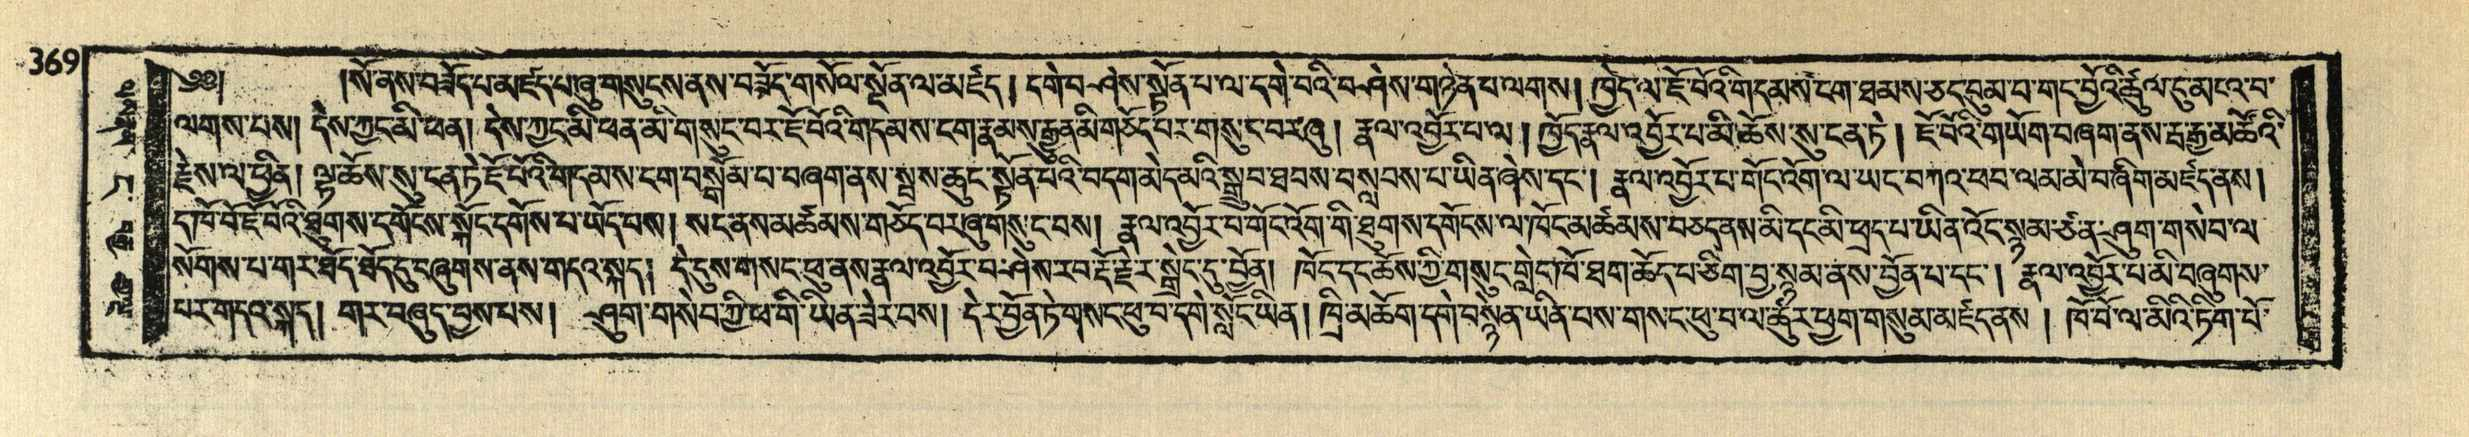༄༅། །སོ་ནས་བཟོད་པ་མཛད་པ་ཞུ་གསུངས་ནས་བཟོད་གསོལ་སྔོན་ལ་མཛད། དགེ་བཤེས་སྟོན་པ་ལ་དགེ་བའི་བཤེས་གཉེན་པ་ལགས། ཁྱེད་ལ་ཇོ་བོའི་གདམས་ངག་ཐམས་ཅད་བུམ་པ་གང་བྱོའི་ཚུལ་དུ་མངའ་བ་
ལགས་པས། དེས་ཀྱང་མི་ཕན། དེས་ཀྱང་མི་ཕན་མི་གསུང་བར་ཇོ་བོའི་གདམས་ངག་རྣམས་རྒྱུན་མི་གཅོད་པར་གསུང་བར་ཞུ། རྣལ་འབྱོར་བ་ལ། ཁྱོད་རྣལ་འབྱོར་པ་མི་ཆོས་སུ་ངན་ཏེ། ཇོ་བོའི་གཡོག་བཞག་ནས་རྦ་རྒྱ་མཚོའི་
རྗེས་ལ་ཕྱིན། ལྷ་ཆོས་སུ་ངན་ཏེ་ཇོ་བོའི་གདམས་ངག་བསྒོམ་པ་བཞག་ནས་སྦས་ཆུང་སྟོན་པའི་བདག་མེད་མའི་སྒྲུབ་ཐབས་བསླབས་པ་ཡིན་ཞེས་དང་། རྣལ་འབྱོར་པ་གོང་འོག་ལ་ཡང་བཀའ་ཕབ་ལམ་མེ་བ་ཞིག་མཛད་ནས།
ད་ཁོ་བོ་ཇོ་བོའི་ཐུགས་དགོངས་སྐོང་དགོས་པ་ཡོད་པས། སང་ནས་མཚམས་གཅོད་བར་ཞུ་གསུང་བས། རྣལ་འབྱོར་བ་གོང་འོག་གི་ཐུགས་དགོངས་ལ་ཁོང་མཚམས་བཅད་ནས་མི་དང་མི་ཕྲད་པ་ཡིན་འོང་སྙམ་ཙ་ན་ཤུག་གསེབ་ལ་
སོགས་པ་གར་ཐོད་ཐོད་དུ་ཞུགས་ནས་གདའ་སྐད། དེ་དུས་གསང་ཕུ་ནས་རྣལ་འབྱོར་བ་ཤེས་རབ་རྡོ་རྗེ་ར་སྒྲེང་དུ་བྱོན། ཁོང་དང་ཆོས་ཀྱི་གསུང་གླེང་ཁོ་ཐག་ཆོད་པ་ཅིག་བྱ་སྙམ་ནས་བྱོན་པ་དང་། རྣལ་འབྱོར་པ་མི་བཞུགས་
པར་གདའ་སྐད། གར་བཞུད་བྱས་པས། ཤུག་གསེབ་ཀྱི་ཕ་གི་ཡིན་ཟེར་བས། དེར་བྱོན་ཏེ་གསང་ཕུ་བ་དགེ་སློང་ཡིན། ཁྲི་མཆོག་དགེ་བསྙེན་ཡིན་པས་གསང་ཕུ་བ་ལ་ཚུར་ཕྱག་གསུམ་མཛད་ནས། ཁོ་བོ་ལ་མིའི་ཏིག་པོ་